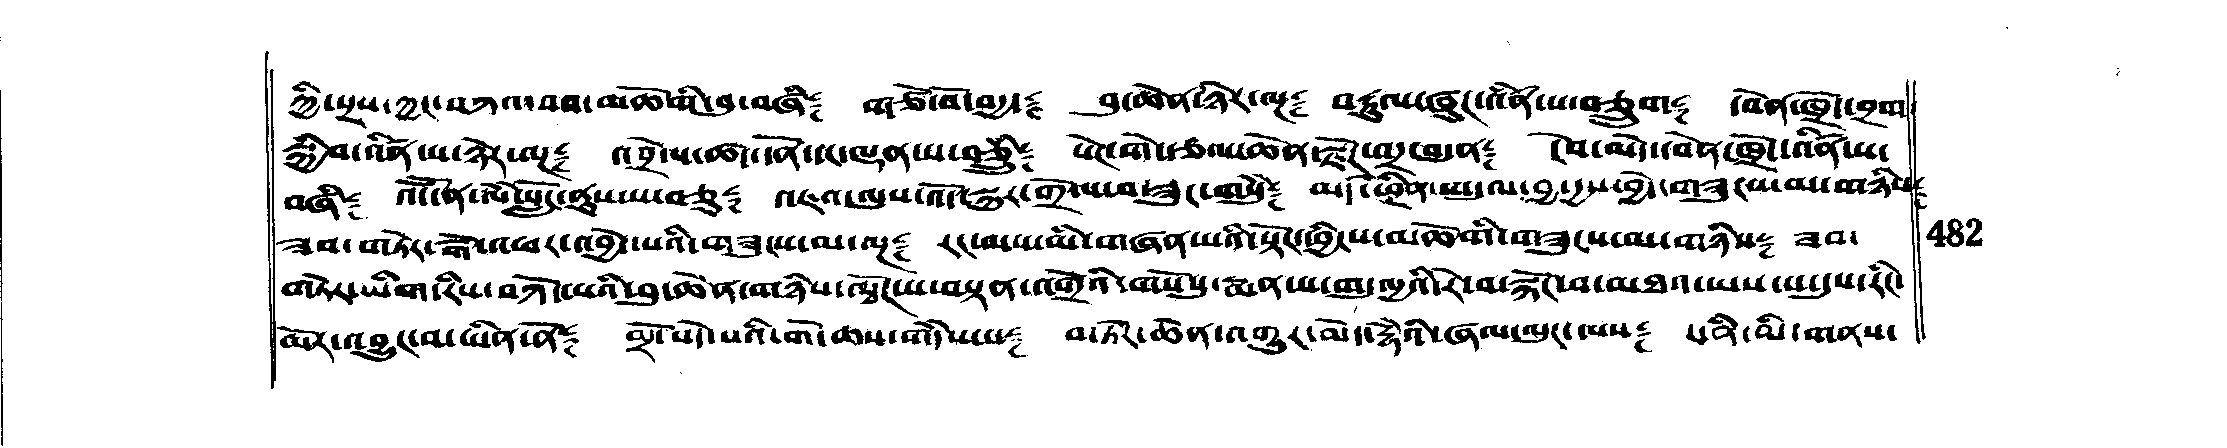ཀྱི་སྲས་ཀྱང་བཀའ་བབ་མཆོག་གི་བུ་བཞི། གཙོ་བོ་བརྒྱད། བུ་ཆེན་ཉེར་ལྔ། བརྟུལ་ཞུགས་འཛིན་པ་བཅུ་དྲུག དབེན་ཁྲོད་བྲག་
སྐྱིབས་འཛིན་པ་ཉེར་ལྔ་། འབྲེལ་ཚད་དོན་དང་ལྡན་པ་བཅུ་དྲུག སེང་གེ་རྩལ་ཆེན་རྫོགས་འདྲ་བདུན། ངེས་མེད་དབེན་ཁྲོད་འཛིན་པ་
བཞི། འདོད་ཡོན་ལམ་སློང་ནུས་པ་བཅུ། འཇའ་ལུས་འོད་སྐུར་གྲོལ་བ་ཟུང་གསུམ། མཛད་ཕྲིན་གདུལ་བྱ་རྒྱས་བྱེད་གཟུངས་མ་གཉིས། 
ཟབ་གཏེར་སྒོ་འཕར་འབྱེད་པའི་གཟུངས་མ་ལྔ་། རང་ལས་མི་གཞན་པའི་སྟོང་དབྱིངས་མཆོག་གི་གཟུངས་མ་གཉིས། ཟབ་
གཏེར་ཡིག་རིས་བཀོད་པའི་བུ་ཆེན་གཉིས་ལ་སོགས་པ་བསྟན་འགྲོའི་གསོས་སུ་སྨན་པ་གདུལ་བྱའི་རེ་བ་སྐོང་བ་མཐའ་ཡས་པ་དུས་རིང་
མོར་འབྱུང་བ་ཡིན་ནོ། མཁའ་འགྲོ་བདེ་བའི་གོ་ཆས་གདམས་པ། གཏེར་ཆེན་འགྱུར་མེད་རྡོ་རྗེའི་ཞལ་ལུང་ལས། ང་ནི་མི་གནས་